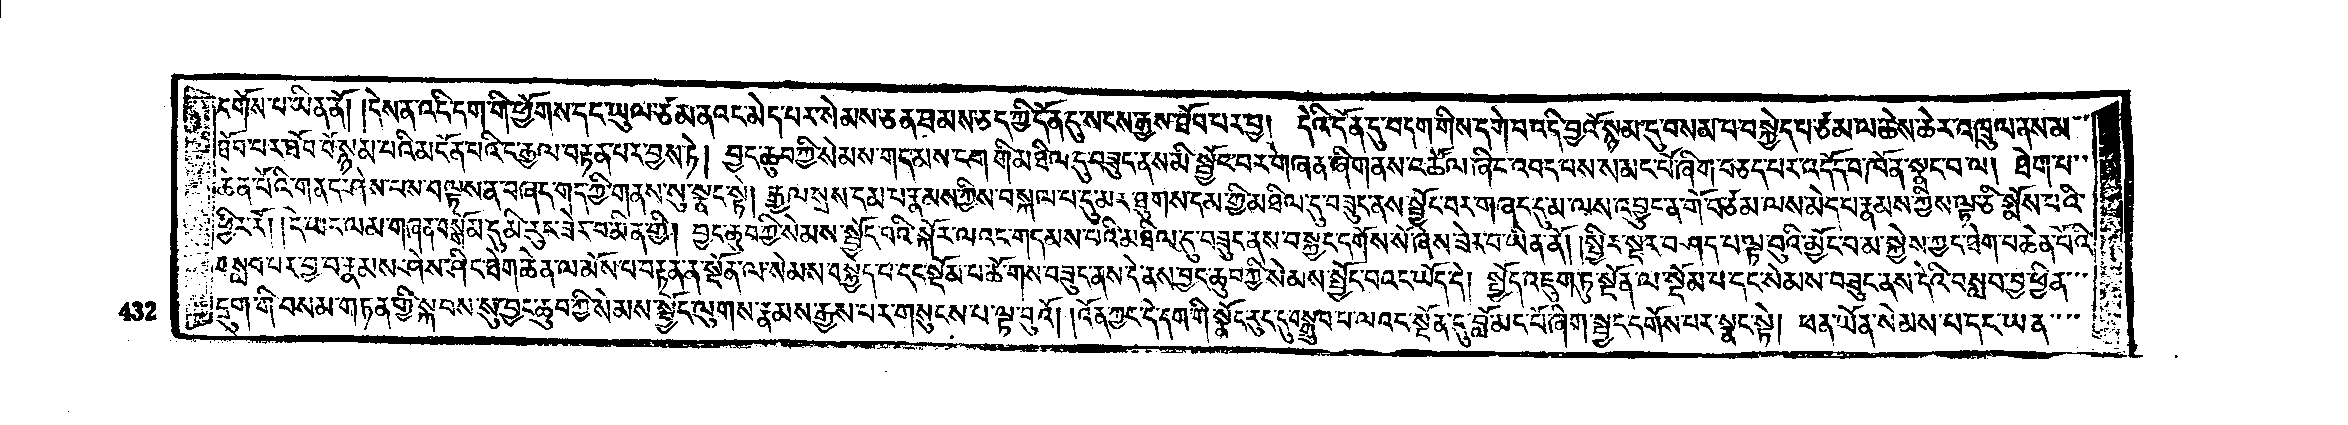དགོས་པ་ཡིན་ནོ། །དེས་ན་འདི་དག་གི་ཕྱོགས་དང་ཡུལ་ཙམ་ནའང་མེད་པར་སེམས་ཅན་ཐམས་ཅད་ཀྱི་དོན་དུ་སངས་རྒྱས་ཐོབ་པར་བྱ། དེའི་དོན་དུ་བདག་གིས་དགེ་བ་འདི་བྱའོ་སྙམ་དུ་བསམ་པ་བསྐྱེད་པ་ཙམ་ལ་ཆེས་ཆེར་འཁྲུལ་ནས་མ་
ཐོབ་པར་ཐོབ་བོ་སྙམ་པའི་མངོན་པའི་ང་རྒྱལ་བརྟན་པར་བྱས་ཏེ། བྱང་ཆུབ་ཀྱི་སེམས་གདམས་ངག་གི་མཐིལ་དུ་བཟུང་ནས་མི་སྦྱོང་བར་གཞན་ཞིག་ནས་འཚོལ་ཞིང་འབད་པས་ས་མང་པོ་ཞིག་བཅད་པར་འདོད་པ་ཁོ་ན་སྣང་བ་ལ། ཐེག་པ་
ཆེན་པོའི་གནད་ཤེས་པས་བལྟས་ན་བཞད་གད་ཀྱི་གནས་སུ་སྣང་སྟེ། རྒྱལ་སྲས་དམ་པ་རྣམས་ཀྱིས་བསྐལ་པ་དུ་མར་ཐུགས་དམ་གྱི་མཐིལ་དུ་བཟུང་ནས་སྦྱོང་བར་གཞུང་དུ་མ་ལས་འབྱུང་ན་གོ་བ་ཙམ་ལས་མེད་པ་རྣམས་ཀྱིས་ལྟ་ཅི་སྨོས་པའི་
ཕྱིར་རོ། །དེ་ཡང་ལམ་གཞན་བསྒོམ་དུ་མི་རུང་ཟེར་བ་མིན་གྱི། བྱང་ཆུབ་ཀྱི་སེམས་སྦྱོང་བའི་སྐོར་ལའང་གདམས་པའི་མཐིལ་དུ་བཟུང་ནས་བསྐྱང་དགོས་སོ་ཞེས་ཟེར་བ་ཡིན་ནོ། །སྤྱིར་སྔར་བཤད་པ་ལྟ་བུའི་མྱོང་བ་མ་སྐྱེས་ཀྱང་ཐེག་པ་ཆེན་པོའི་
བསླབ་པར་བྱ་བ་རྣམས་ཤེས་ཤིང་ཐེག་ཆེན་ལ་མོས་པ་བརྟན་ན་སྔོན་ལ་སེམས་བསྐྱེད་པ་དང་སྡོམ་པ་ཆོ་གས་བཟུང་ནས་དེ་ནས་བྱང་ཆུབ་ཀྱི་སེམས་སྦྱོང་བའང་ཡོད་དེ། སྤྱོད་འཇུག་ཏུ་སྔོན་ལ་སྡོམ་པ་དང་སེམས་བཟུང་ནས་དེའི་བསླབ་བྱ་ཕྱིན་
དྲུག་གི་བསམ་གཏན་གྱི་སྐབས་སུ་བྱང་ཆུབ་ཀྱི་སེམས་སྦྱོང་ལུགས་རྣམས་རྒྱས་པར་གསུངས་པ་ལྟ་བུའོ། །འོན་ཀྱང་དེ་དག་གི་སྣོད་རུང་དུ་བསྒྲུབ་པ་ལའང་སྔོན་དུ་བློ་མང་པོ་ཞིག་སྦྱང་དགོས་པ་སྣང་སྟེ། ཕན་ཡོན་སེམས་པ་དང་ཡན་